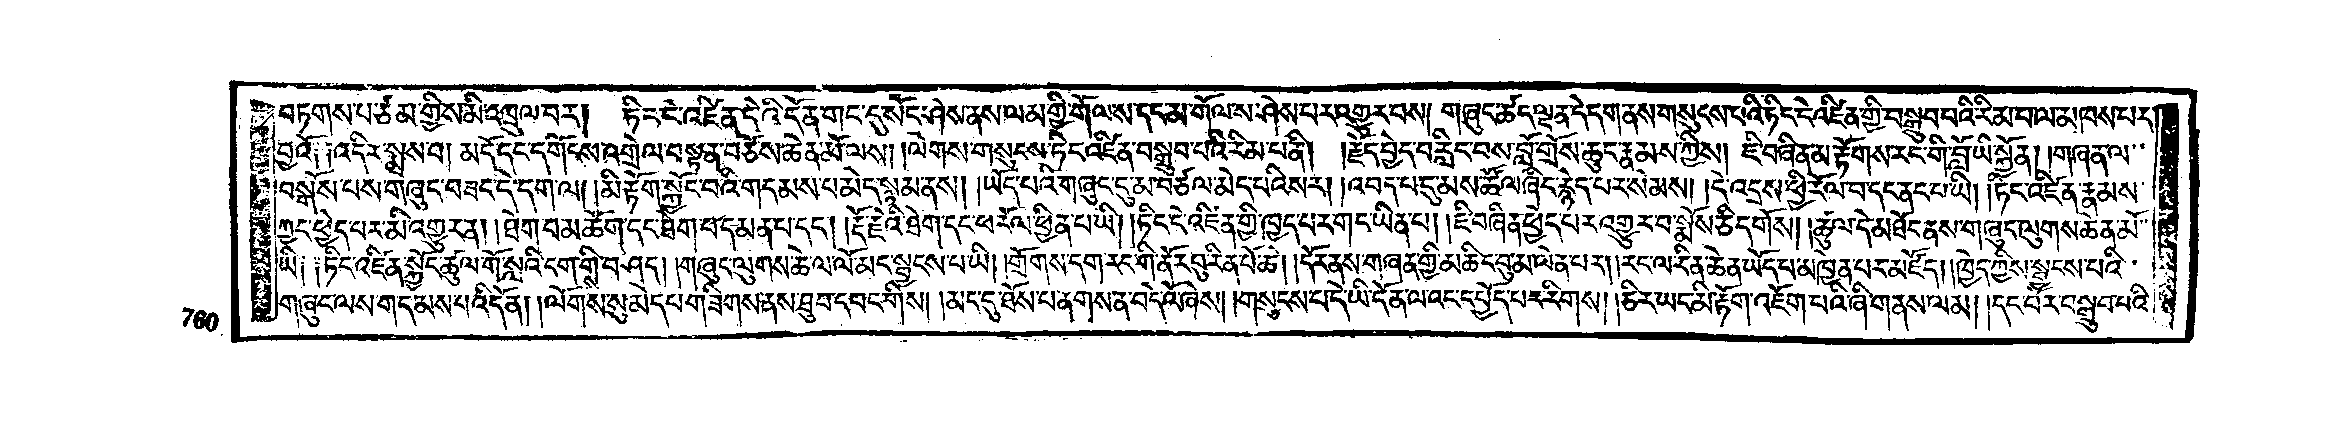བཏགས་པ་ཙམ་གྱིས་མི་འཁྲུལ་བར། ཏིང་ངེ་འཛིན་དེའི་དོན་གང་དུ་སོང་ཤེས་ནས་ལམ་གྱི་གོལ་ས་དང་མ་གོལ་ས་ཤེས་པར་འགྱུར་བས། གཞུང་ཚད་ལྡན་དེ་དག་ནས་གསུངས་པའི་ཏིང་ངེ་འཛིན་གྱི་བསྒྲུབ་པའི་རིམ་པ་ལ་མཁས་པར་
བྱའོ༑ ༑འདིར་སྨྲས་པ། མདོ་དང་དགོངས་འགྲེལ་བསྟན་བཅོས་ཆེན་མོ་ལས། །ལེགས་གསུངས་ཏིང་འཛིན་བསྒྲུབ་པའི་རིམ་པ་ནི། །རྗོད་བྱེད་བརླིང་བས་བློ་གྲོས་ཆུང་རྣམས་ཀྱིས། །ཇི་བཞིན་མ་རྟོགས་རང་གི་བློ་ཡི་སྐྱོན། །གཞན་ལ་
བསྒོས་པས་གཞུང་བཟང་དེ་དག་ལ། །མི་རྟོག་སྐྱོང་བའི་གདམས་པ་མེད་སྙམ་ནས། །ཡོད་པའི་གཞུང་དུ་མ་བཙལ་མེད་པའི་སར། །འབད་པ་དུ་མས་ཚོལ་ཞིང་རྙེད་པར་སེམས། །དེ་འདྲས་ཕྱི་རོལ་པ་དང་ནང་པ་ཡི། །ཏིང་འཛིན་རྣམས་
ཀྱང་ཕྱེད་པར་མི་འགྱུར་ན། །ཐེག་པ་མཆོག་དང་ཐེག་པ་དམན་པ་དང་། །རྡོ་རྗེའི་ཐེག་དང་ཕ་རོལ་ཕྱིན་པ་ཡི། །ཏིང་ངེ་འཛིན་གྱི་ཁྱད་པར་གང་ཡིན་པ། །ཇི་བཞིན་ཕྱེད་པར་འགྱུར་བ་སྨོས་ཅི་དགོས། །ཚུལ་དེ་མཐོང་ནས་གཞུང་ལུགས་ཆེན་མོ་
ཡི༑ ༑ཏིང་འཛིན་སྐྱོང་ཚུལ་གོ་སླའི་ངག་གིས་བཤད། །གཞུང་ལུགས་ཆེ་ལ་ལོ་མང་སྦྱངས་པ་ཡི། །གྲོགས་དག་རང་གི་ནོར་བུ་རིན་པོ་ཆེ། །དོར་ནས་གཞན་གྱི་མཆིང་བུ་མ་ལེན་པར། །རང་ལ་རིན་ཆེན་ཡོད་པ་མཁྱེན་པར་མཛོད། །ཁྱེད་ཀྱིས་སྦྱངས་པའི་
གཞུང་ལས་གདམས་པའི་དོན། །ལོགས་སུ་མེད་པ་གཟིགས་ནས་ཐུབ་དབང་གིས། །མང་དུ་ཐོས་པ་ནགས་ན་བདེ་འོ་ཞེས། །གསུངས་པ་དེ་ཡི་དོན་ལའང་དཔྱོད་པར་རིགས། །ཅིར་ཡང་མི་རྟོག་འཇོག་པའི་ཞི་གནས་ལམ། །དང་པོར་བསྒྲུབ་པའི་